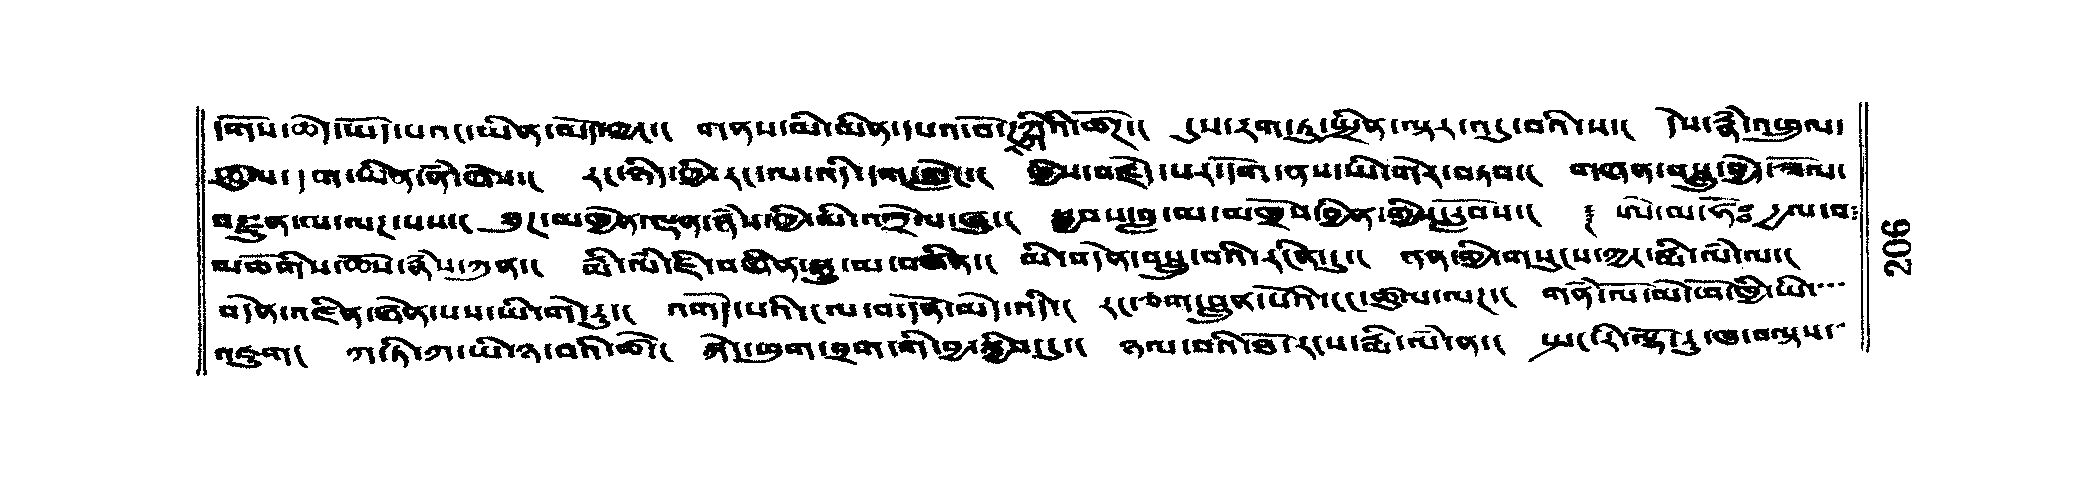དགོས་ཆེད་ཡོད་པའང་ཡིན་མོད་ཀྱང་། །གནས་མི་མིན་དཔའ་བོ་ཌཱཀྐིའི་ཚོགས། །དུས་རྟག་ཏུ་སྤྲིན་ལྟར་འདུ་བའི་ས། །དེའི་རྣམ་འཕྲུལ་
ཚུལ་དག་ཡིན་ནམ་ཞེས། །རང་ཉིད་ཀྱིས་རང་ལ་འདི་དག་གླེང་། །ཕྱིས་བརྗེད་པར་དོགས་ནས་ཡི་གེར་བཏབ། །གཞན་བསླུ་བྱེད་ཟོལ་
བརྫུན་མ་ལགས་པས། །ཐུགས་མཁྱེན་ལྡན་རྣམས་ཀྱིས་མི་འཁྲེལ་ཞུ། །སྐྱབས་བླ་མ་མཁའ་འགྲོས་བྱིན་གྱིས་རློབས།། ༈ ཨེ་མ་ཧོཿ རྒྱལ་བ་
མཆོག་གིས་ཆོས་རྣམས་ཀུན། །རྨི་ལམ་ཇི་བཞིན་སྒྱུ་མ་བཞིན། མི་བདེན་བསླུ་བའི་རང་བཞིན་དུ། །ནན་གྱིས་གསུངས་ཀྱང་རྨི་ལམ་ལ། །
བདེན་འཛིན་ཞེན་པས་ཡི་གེ་རུ། །འགོད་པའི་ངལ་བ་དོན་མེད་འདི། །རང་ཅག་བླུན་པོའི་ངང་ཚུལ་ལགས། །གནམ་ལོ་མེ་ཕོ་ཁྱི་ཡི་
འཇུག །ཀ་རྟི་ཀ་ཡི་ཉ་བའི་ཚེ། །སྐེད་ཕུག་བྲག་གི་བྱ་སྐྱིབས་སུ། །ཉལ་བའི་ཐོ་རངས་རྨི་ལམ་ན། །སྤང་རི་ལྷོ་རུ་ཁ་བལྟས་